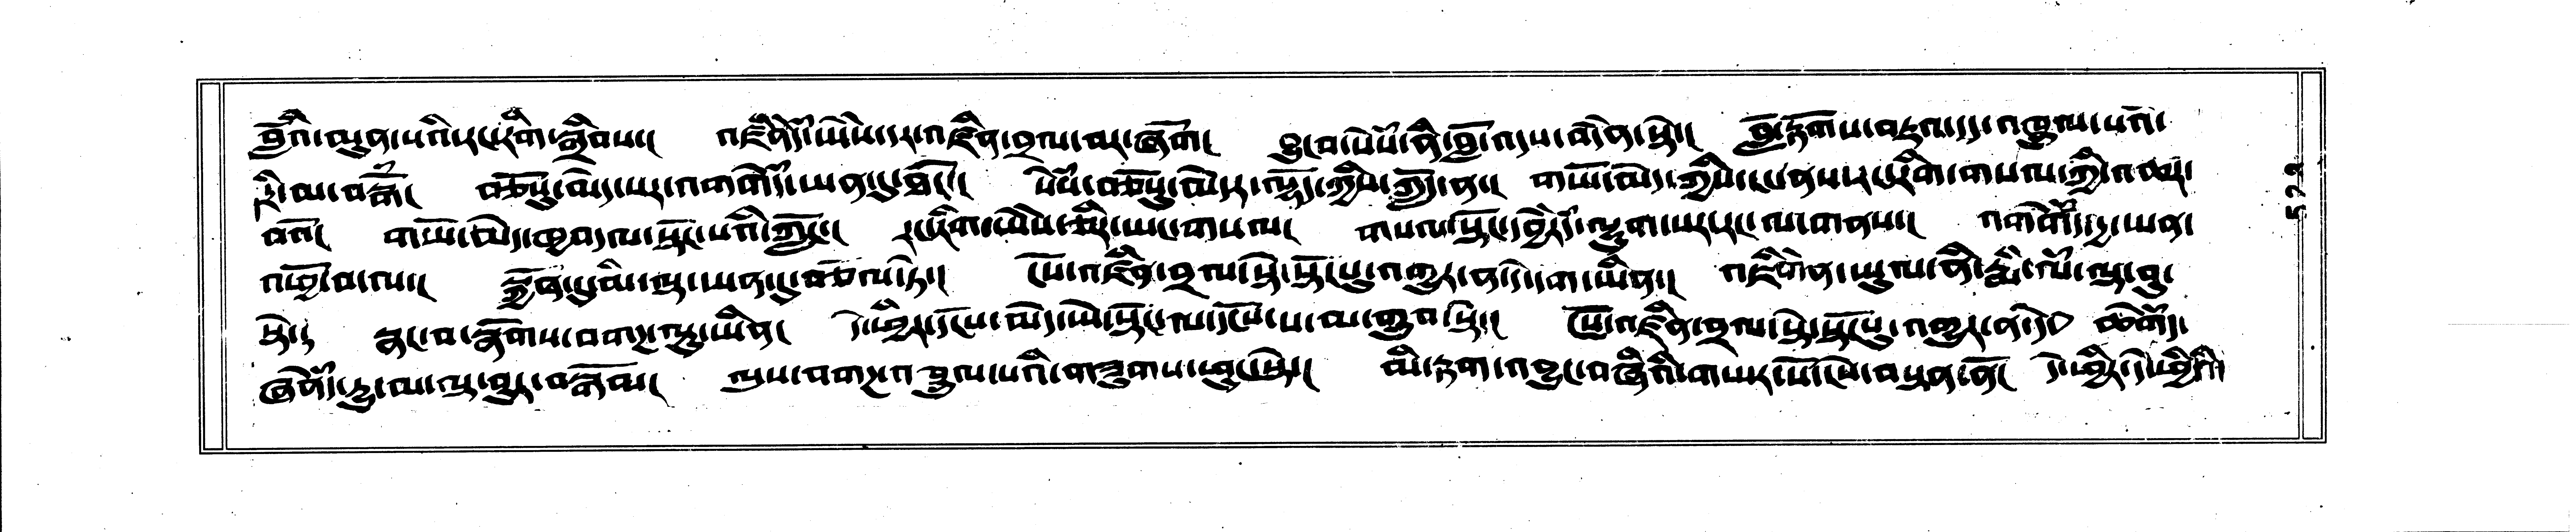བློའི་མུན་པས་རང་རིག་སྒྲིབ། འཛིན་མེད་ཡེ་ཤེས་དེར་འཛིན་བྲལ་བར་ཞོག བྱང་ཆུབ་སེམས་ནི་བློ་འདས་བདེ་ཆེན་སྟེ། བློ་རྟོག་བདའ་དེད་འཁྲུལ་པའི་
དྲི་མས་བསྒྲོམ་༼བསྒོ༽། བཅོས་སུ་མེད་པར་གྲངས་མེད་ཡན་དུ་ཐོང་། སེམས་ནི་བཅོས་སུ་མེད་པར་ལྷོད་ནས། གཡོ་མེད་ངང་དེར་རང་རིག་སང་ཀྱིས་འཆར་
བའོ། གཡོ་མེད་ཁྱབ་བདལ་སྟོང་པའི་ཀློང་། རང་རིག་ཡེ་ཤེས་ཅིར་ཡང་གསལ། གསལ་སྟོང་དབྱེར་མེད་ལྷུག་པར་རང་ལ་གནས། འགག་མེད་དྲན་པ་རྒྱ་ཡན་
འཕྱོ་བ་ལ། སྐྱོན་དུ་མི་ལྟ་ཡན་དུ་བཅོལ་བ་སྟེ། ངོས་འཛིན་བྲལ་ཏེ་སྡོངས་སུ་གྱུར་ན་དེ་ཀ་ལ། འཇིག་རྟེན་ཡུལ་ནི་རྨི་ལམ་ལྟ་བུ་
ལ། སྣང་བ་སྣ་ཚོགས་འགག་མེད་ལྟ་བུ་ལ། དེ་ཕྱིར་དངོས་མེད་ཡེ་སྟོང་ལ། རང་བཞིན་ངོའོ་མ་གྲུབ་སྟེ། བག་ཆགས་
ཞེན་མེད་སྒྱུ་མ་ལྟ་བུར་སྒོམ། ལུས་ངན་བག་ཆགས་འཁྲུལ་པའི་གཟུག་ཕུང་སྟེ། མི་རྟག་འབྱུང་བཞིའི་གཡར་པོ་ངེས་བསྟན་ནོ། དེ་ཕྱིར་